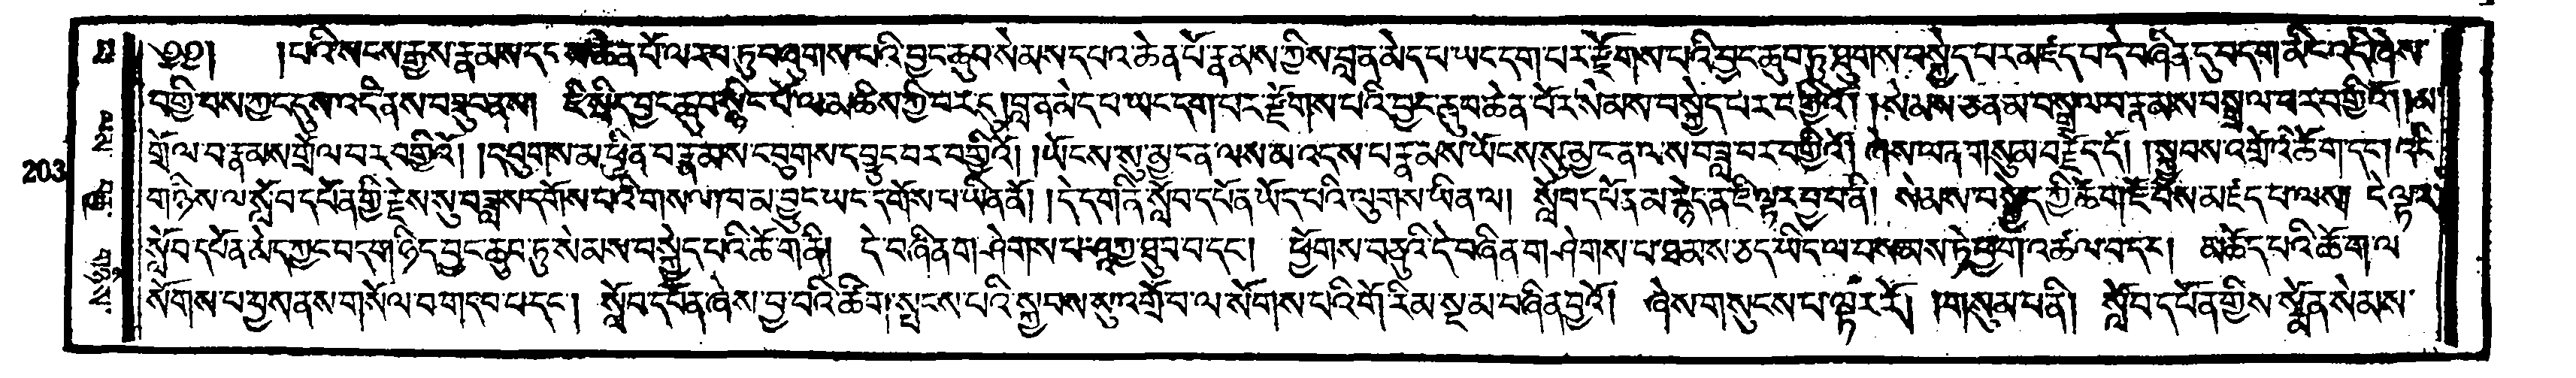༄༅། །པའི་སངས་རྒྱས་རྣམས་དང་ས་ཆེན་པོ་ལ་རབ་ཏུ་བཞུགས་པའི་བྱང་ཆུབ་སེམས་དཔའ་ཆེན་པོ་རྣམས་ཀྱིས་བླ་ན་མེད་པ་ཡང་དག་པར་རྫོགས་པའི་བྱང་ཆུབ་ཏུ་ཐུགས་བསྐྱེད་པར་མཛད་པ་དེ་བཞིན་དུ་བདག་མིང་འདི་ཞེས་
བགྱི་བས་ཀྱང་དུས་འདི་ནས་བཟུང་ནས། ཇི་སྲིད་བྱང་ཆུབ་སྙིང་པོ་ལ་མཆིས་ཀྱི་བར་དུ། བླ་ན་མེད་པ་ཡང་དག་པར་རྫོགས་པའི་བྱང་ཆུབ་ཆེན་པོར་སེམས་བསྐྱེད་པར་དགྱིའོ། །སེམས་ཅན་མ་བསྒྲལ་བ་རྣམས་བསྒྲལ་ཕར་བགྱིའོ། །མ་
གྲོལ་བ་རྣམས་གྲོལ་བར་བགྱིའོ། །དབུགས་མ་ཕྱིན་པ་རྣམས་དབུགས་དབྱུང་བར་བགྱིའོ། །ཡོངས་སུ་མྱ་ངན་ལས་མ་འདས་པ་རྣམས་ཡོངས་སུ་མྱ་ངན་ལས་བཟལ་བར་བགྱིའོ། ཞེས་ལན་གསུམ་བརྗོད་དོ། །སྐྱབས་འགྲོའི་ཆོག་དང་། འདི་
གཉིས་ལ་སློབ་དཔོན་གྱི་རྗེས་སུ་བཟླས་དགོས་པའི་གསལ་ཁ་མ་བྱུང་ཡང་དགོས་པ་ཡིན་ནོ། །དེ་དག་ནི་སློབ་དཔོན་ཡོད་པའི་ལུགས་ཡིན་ལ། སློབ་དཔོན་མ་རྙེད་ན་ཇི་ལྟར་བྱ་བ་ནི། སེམས་བསྐྱེད་ཀྱི་ཆོག་ཇོ་བོས་མཛད་པ་ལས། དེ་ལྟར་
སློབ་དཔོན་མེད་ཀྱང་བདག་ཉིད་བྱང་ཆུབ་ཏུ་སེམས་བསྐྱེད་པའི་ཆོག་ནི། དེ་བཞིན་གཤེགས་པ་ཤཱཀྱ་ཐུབ་པ་དང་། ཕྱོགས་བཅུའི་དེ་བཞིན་གཤེགས་པ་ཐམས་ཅད་ཡིད་ལ་བསམས་ཏེ་ཕྱག་འཚལ་བ་དང་། མཆོད་པའི་ཆོག་ལ་
སོགས་པ་བྱས་ནས་གསོལ་བ་གདབ་པ་དང་། སློབ་དཔོན་ཞེས་བྱ་བའི་ཚིག་སྤངས་པའི་སྐྱབས་སུ་འགྲོ་བ་ལ་སོགས་པའི་གོ་རིམ་སྔ་མ་བཞིན་བྱའོ། ཞེས་གསུངས་པ་ལྟར་རོ། །གསུམ་པ་ནི། སློབ་དཔོན་གྱིས་སྨོན་སེམས་